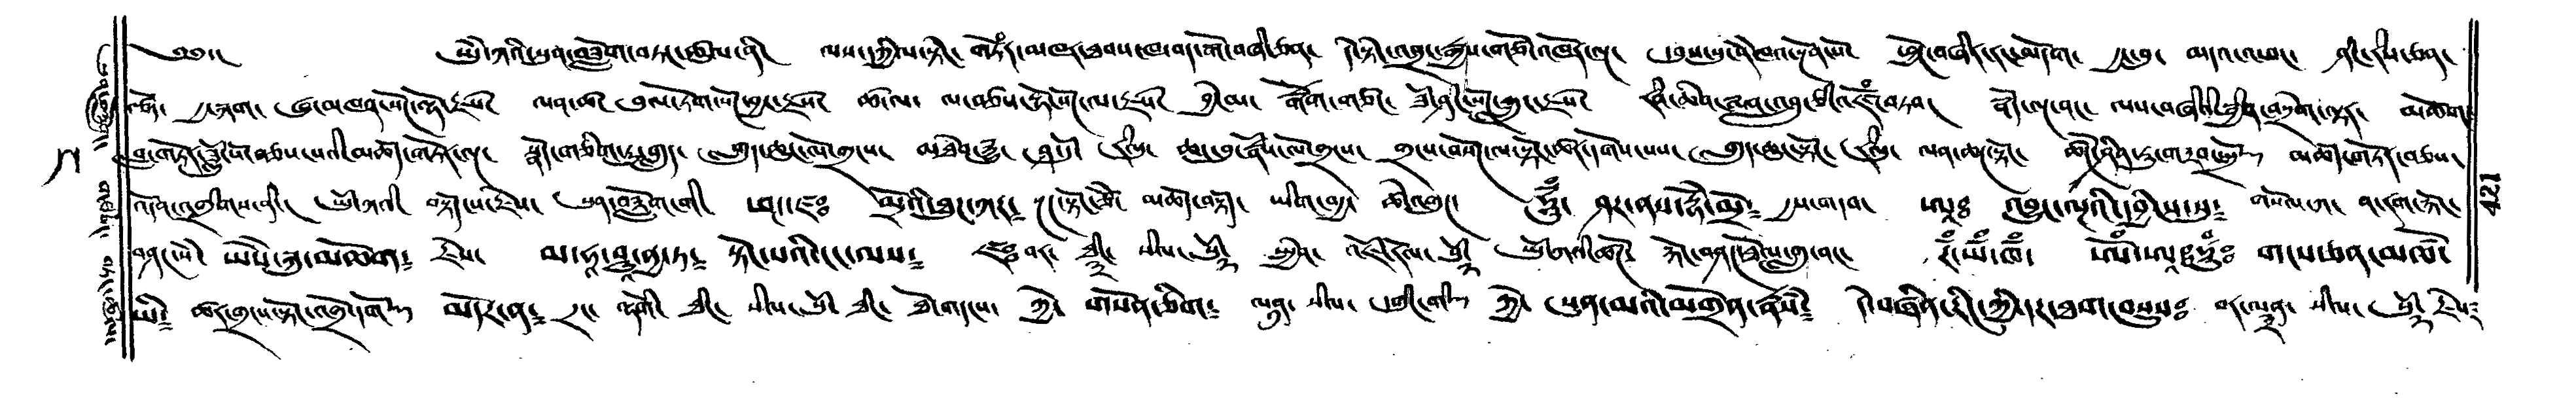༄༅།།ཡུམ་ཀའི་སུན་བཟློག་བཏང་ཚུལ་ནི། ལས་དཀྱིལ་སྟེང་། གཏོར་མ་མཁར་ཐབས་ཁ་བད་སྒོ་བཞི་ཅན། དེ་སྟེང་འབྲང་རྒྱས་གཙོ་འཁོར་ལྔ། དབུས་སུ་ནམ་མཁའ་སྔོན་པོ། ཕྱོགས་བཞིར་རང་མདོག རྒྱང་བུ། མདའ་འཕང་། ཤིང་རིས་ཅན། 
རྩོད། རྒྱ་སྐག ཞུ་མཁན་སོགས་ལྷོ་རྫས། ལན་ཚྭ། བུལ་ཏོག་སོགས་བྱང་རྫས། ཚྭ་ལ། ལ་བཙས་རྡོ་སོགས་ལ་རྫས། བྱེ་མ། རྒོག་གཙོང་། ཟམ་ཤིང་སོགས་ཀླུངས་རྫས། རིན་ཆེན་སྨན་འབྲུ་ཅི་འཛོམས་གདབ། སྣོད་ལྔའི་ནང་། ལས་བཞིའི་སྦྱིན་སྲེག་ལྟར། མཆོག་
གི་བླ་གཏོར་ཟླུམ་པོ་དང་བཅས་པའི་མཆོད་གཏོར་ལྔ། སྣོད་གཅིག་ཏུ་གླུད། གླུད་ཆུང་ལོ་གྲངས། མཐེབ་སྐྱུ། ཤ་དུམ། རིལ་བུ། ཆང་བུ་རྣམས་ལོ་གྲངས། གྲངས་བསོག་ལ་སྟོང་ཚར་དགོས་པས། གླུད་ཆུང་སྟོང་། རིལ་བུ། ལན་ཆགས་སྟོང་། ཚོགས་ཤིན་ཏུ་གཟབ་སྤྲོས། མཆོད་གཏོར་བཅས། 
འདོན་འགྲིགས་ནི། ཡུམ་ཀའི་བསྟོད་པའི་རྗེས། སུན་བཟློག་གི ཕཊཿཛཿ མཁའ་འགྲོའི་ཐུགས་ཀར༴ སྔགས་སྟོང་ཙམ། མཆོད་བསྟོད། ཡིག་བརྒྱ། ཚེ་འགུགས། ཧཱུྃཿ ཤར་ནས་རྡོ་རྗེ་མཁའ་འགྲོ༴ རྒྱས་གདབ། ཨཱཿ འབྱུང་ལྔའི་དབྱིངས་སུ༴ གསོལ་ཀ། ན་རག་སྐོང་
བཤགས་སམ། ཡེ་ཤེས་སྐུ་མཆོག༴ རྗེས། མཧཱ་ཤཱུ་ནྱ་ཏ༴ སྟོང་པའི་ངང་ལས༴ ཛཿ བར། ཐིང་གསུམ། སིལ། སུམ་གཉིས། སྤྱན་འདྲེན། འཇམ་རོལ། སུམ་གཉིས། ཡུན་ཀའི་ཚོགས། སྐོང་བཤགས་ཐོལ་གླུའི་ནང་། རྃ་ཡྃ་ཁྃཿ ཨོཾ་ཨཱཿཧཱུྃཿ གངས་ཅན་མཚོ་
ཡི༴ ཚར་གྲངས་སྟོང་འགྲོ་དགོས། མདོར་ན༴ དྲང་། ལྷག་མ། ཐིང་། སིལ། ཐིང་། ཐོ་གདངས། ཀྱེཿ གསོན་ཅིག༴ ལན་གཅིག སིལ། དགུ་ཐིང་གིས། ཀྱེཿ སུན་མའི་མགྲོན་རྣམས༴ དེ་བཞིན་རིགས་ཀྱི་དར་ཐག་བསྡུསཿ བར་ལན་གསུམ། སིལ། སུམ་གཉིས། རྗེས།